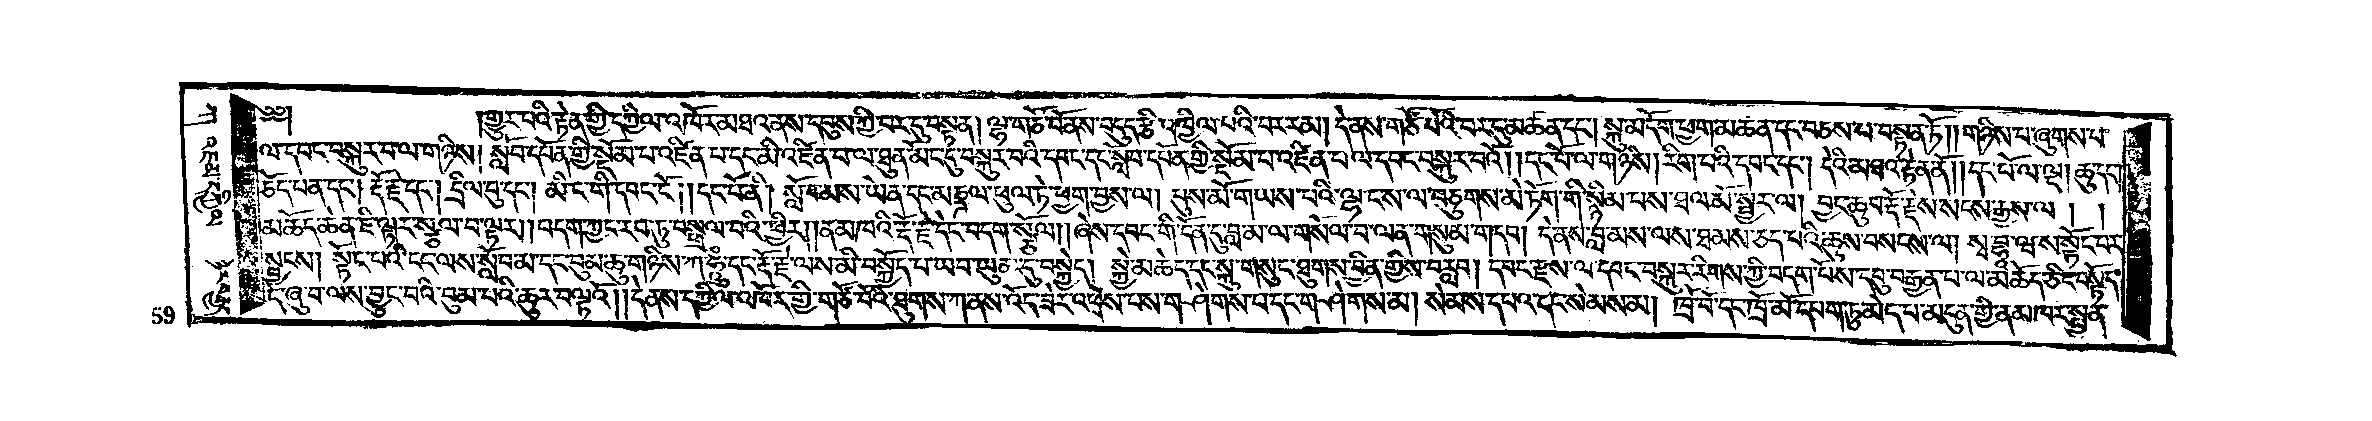༄༅། །གྱུར་པའི་རྟེན་གྱི་དཀྱིལ་འཁོར་མཐའ་ནས་དབུས་ཀྱི་བར་དུ་བསྟན། ལྷ་གཙོ་བོ་ནས་བདུད་རྩི་འཁྱིལ་པའི་བར་རམ། དེ་ནས་གཙོ་བོའི་བར་དུ་མཚན་དང་། སྐུ་མདོག་ཕྱག་མཚན་དང་བཅས་པ་བསྟན་ཏོ། །གཉིས་པ་ཞུགས་པ་
ལ་དབང་བསྐུར་བ་ལ་གཉིས། སློབ་དཔོན་གྱི་སྡོམ་པ་འཛིན་པ་དང་མི་འཛིན་པ་ལ་ཐུན་མོང་དུ་བསྐུར་བའི་དབང་དང་སློབ་དཔོན་གྱི་སྡོམ་པ་འཛིན་པ་ལ་དབང་བསྐུར་བའོ། །དང་པོ་ལ་གཉིས། རིག་པའི་དབང་དང་། དེའི་མཐའ་རྟེན་ནོ། །དང་པོ་ལ་ལྔ། ཆུ་དང་།
ཅོད་པན་དང་། རྡོ་རྗེ་དང་། དྲིལ་བུ་དང་། མིང་གི་དབང་ངོ། །དང་པོ་ནི། སློབ་མས་ཡིན་དང་མཎཌལ་ཕུལ་ཏེ་ཕྱག་བྱས་ལ། པུས་མོ་གཡས་པའི་ལྷ་ང་ས་ལ་བཙུགས་མེ་ཏོག་གི་སྙིམ་པས་ཐལ་མོ་སྦྱར་ལ། བྱང་ཆུབ་རྡོ་རྗེས་སངས་རྒྱས་ལ། །
མཆོད་ཆེན་ཇི་ལྟར་སྩལ་བ་ལྟར། །བདག་ཀྱང་རབ་ཏུ་བསྒྲལ་བའི་ཕྱིར། །ནམ་མཁའི་རྡོ་རྗེ་དེང་བདག་སྩོལ། །ཞེས་དབང་གི་དོན་དུ་བླ་མ་ལ་གསོལ་བ་ལན་གསུམ་གདབ། དེ་ནས་བླ་མས་ལས་ཐམས་ཅད་པའི་ཆུས་བསངས་ལ། སྭ་བྷཱ་ཝ་ས་སྟོང་པར་
སྦྱངས། སྟོང་པའི་ངང་ལས་སློབ་མ་དང་བུམ་ཆུ་གཉིས་ཀ་ཧཱུཾ་དང་རྡོ་རྗེ་ལས་མི་བསྐྱོད་པ་ཡབ་ཡུམ་དུ་བསྐྱེད། སྐྱེ་མཆེད་དང་སྐུ་གསུང་ཐུགས་བྱིན་གྱིས་བརླབ། དབང་རྫས་ལ་དབང་བསྐུར་རིགས་ཀྱི་བདག་པོས་དབུ་བརྒྱན་པ་ལ་མཆོད་ཅིང་བསྟོད་
དེ་ཞུ་བ་ལས་བྱུང་བའི་བུམ་པའི་ཆུར་བལྟའོ། །དེ་ནས་དཀྱིལ་འཁོར་གྱི་གཙོ་བོའི་ཐུགས་ཀ་ནས་འོད་ཟེར་འཕྲེས་པས་གཤེགས་པ་དང་གཤེགས་མ། སེམས་དཔའ་དང་སེམས་མ། ཁྲོ་བོ་དང་ཁྲོ་མོ་དཔག་ཏུ་མེད་པ་མདུན་གྱི་ནམ་མཁར་སྤྱན་